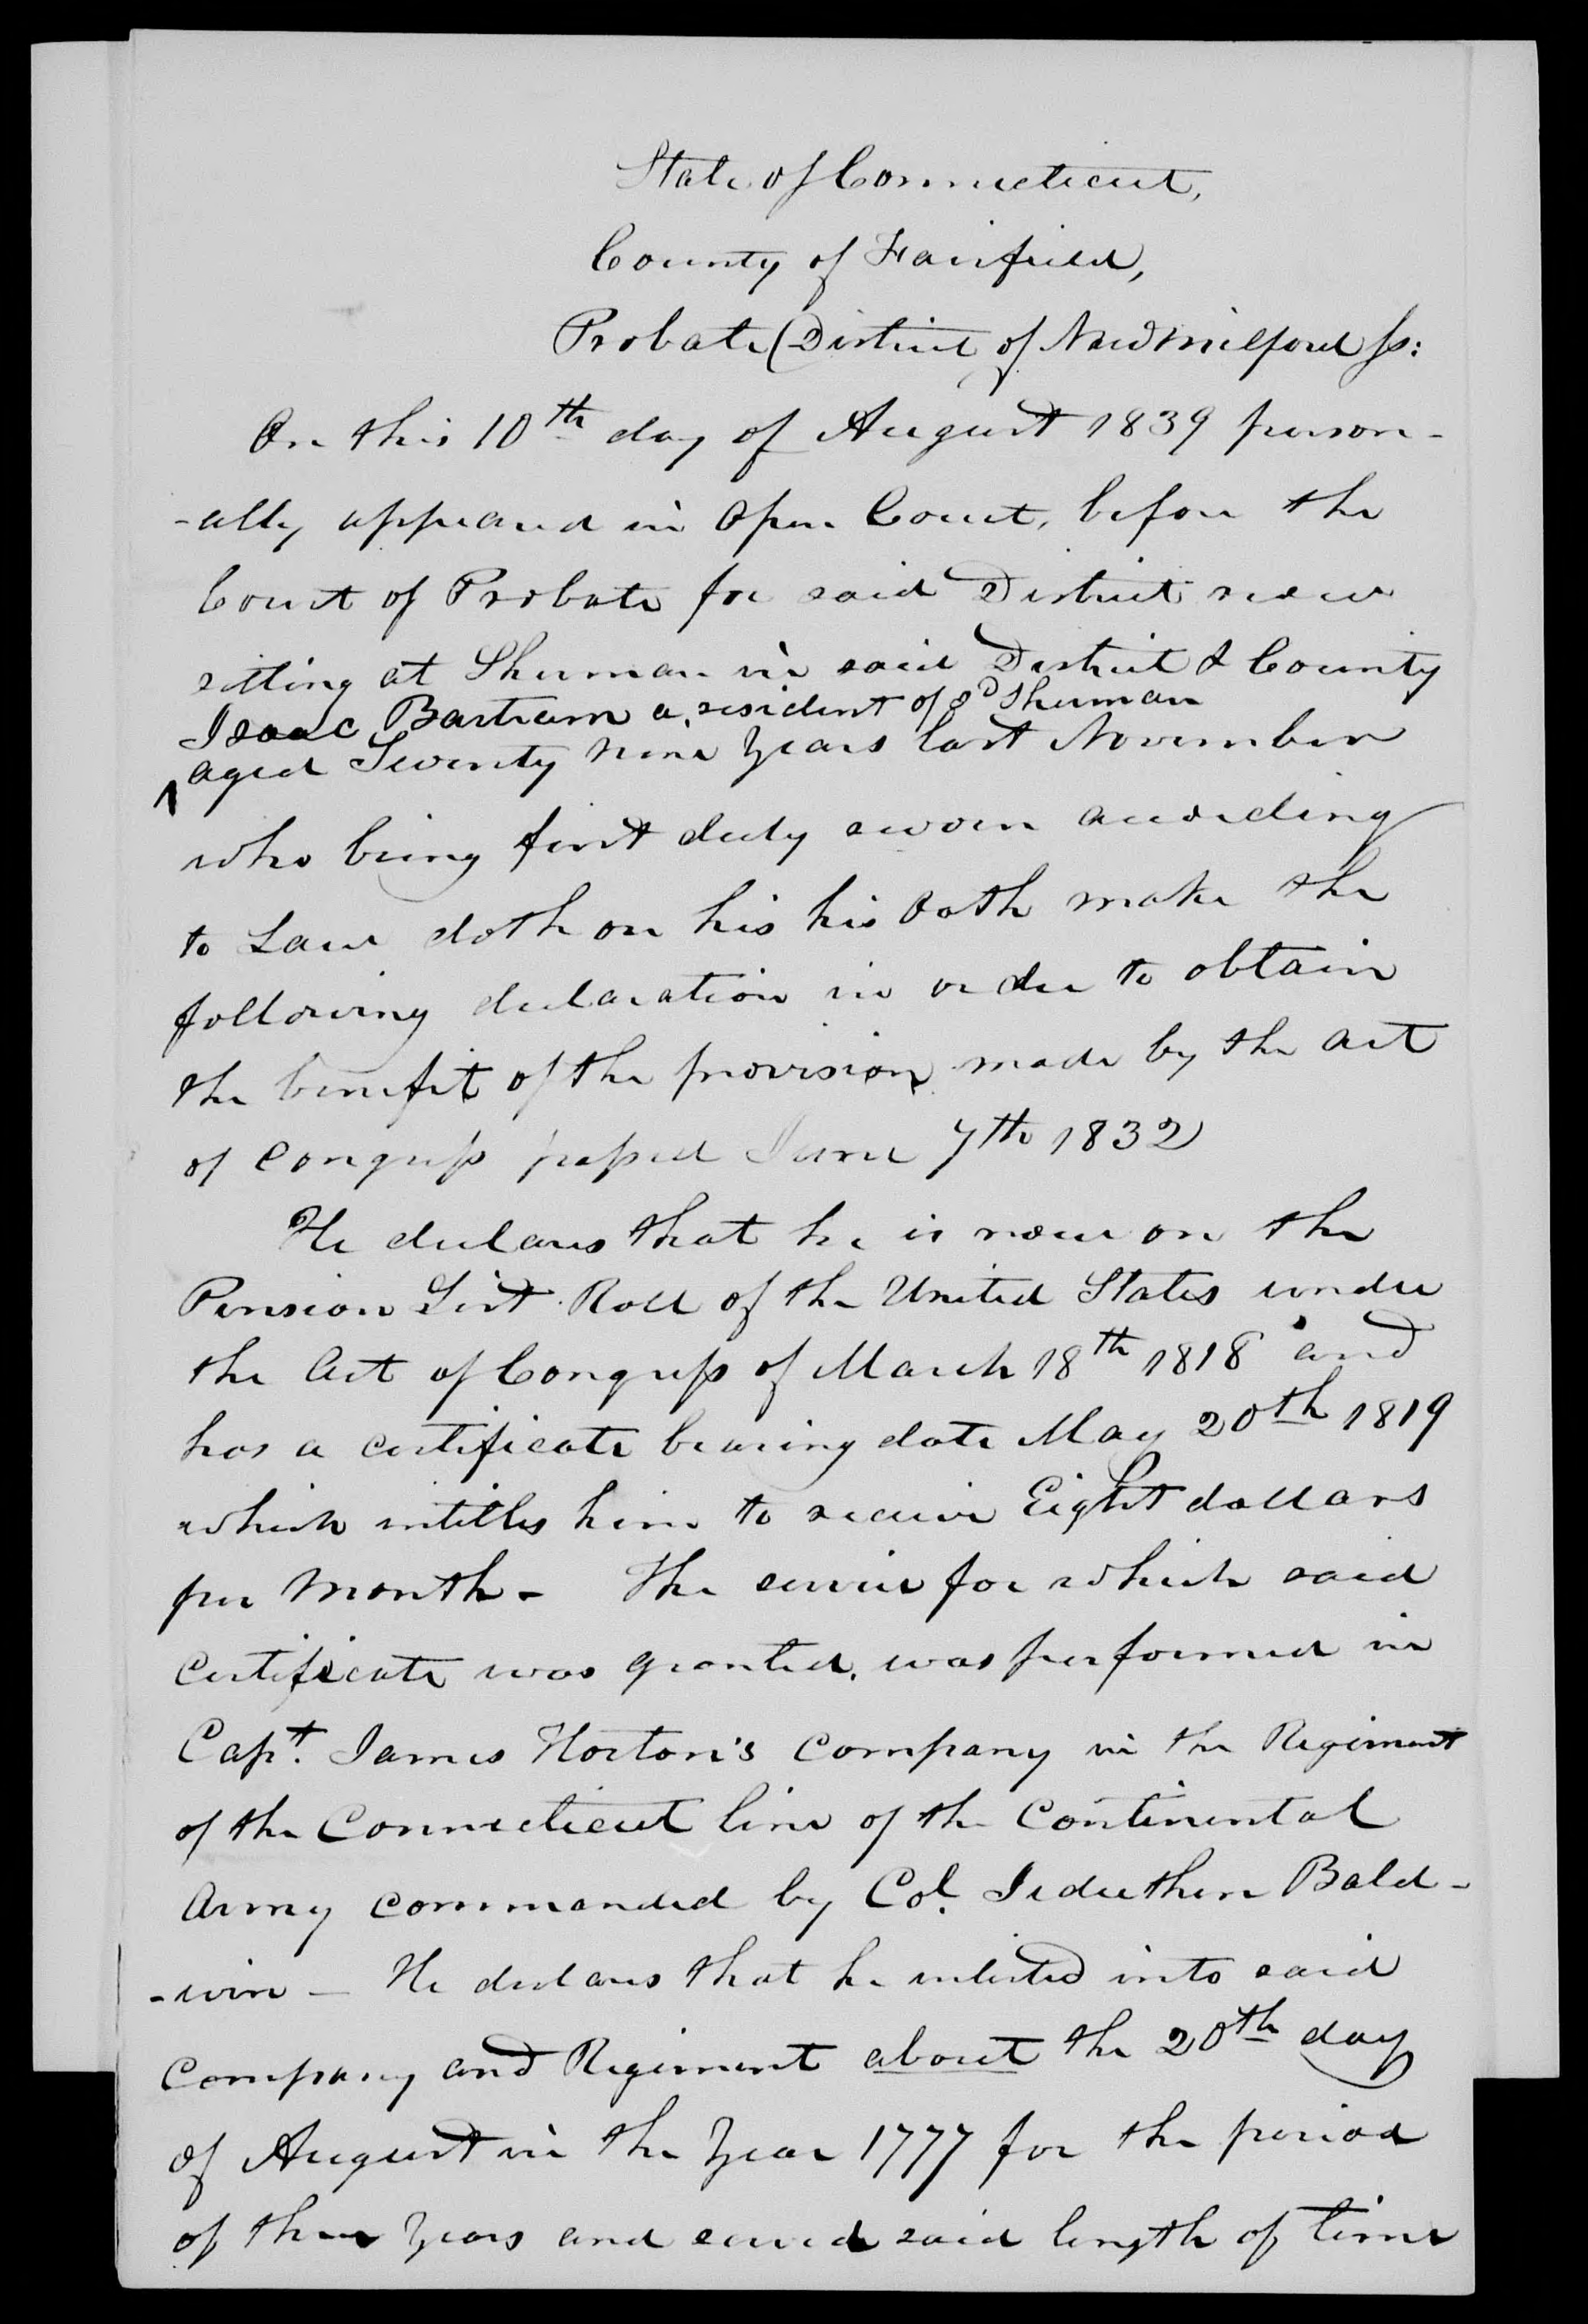State of Connecticut,
County of Fairfield,
Probate District of New Milford ss:
On this 10th day of August 1839 personally
appeared in open Court, before the
Court of Probate for said District now
sitting at Sherman in said District & County
Isaac Bartram a resident of sd Sherman
aged Seventy nine years last November
who being first duly sworn according
to Law doth on his his oath make the
following declaration in order to obtain
the benefit of the provision made by the act
of Congress passed June 7th 1832

He declares that he is now on the
Pension List Roll of the United States under
the act of Congress of March 18th 1818 and
has a certificate bearing date May 20th 1819
which intitles him to receive Eight dollars
per month. The service for which said
Certificate was granted was performed in
Capt James Horton's Company in the Regiment
of the Connecticut line of the Continental
Army commanded by Col. Jeduthen Baldwin
He declares that he enlisted into said
Company and Regiment about the 20th day
of August in the year 1777 for the period
of three years and served said length of time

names: Jeduthon Baldwin, Isaac Bartrum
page: 31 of 39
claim: survivor's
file: S. 12110, Isaac Bartram, Continental (Conn)